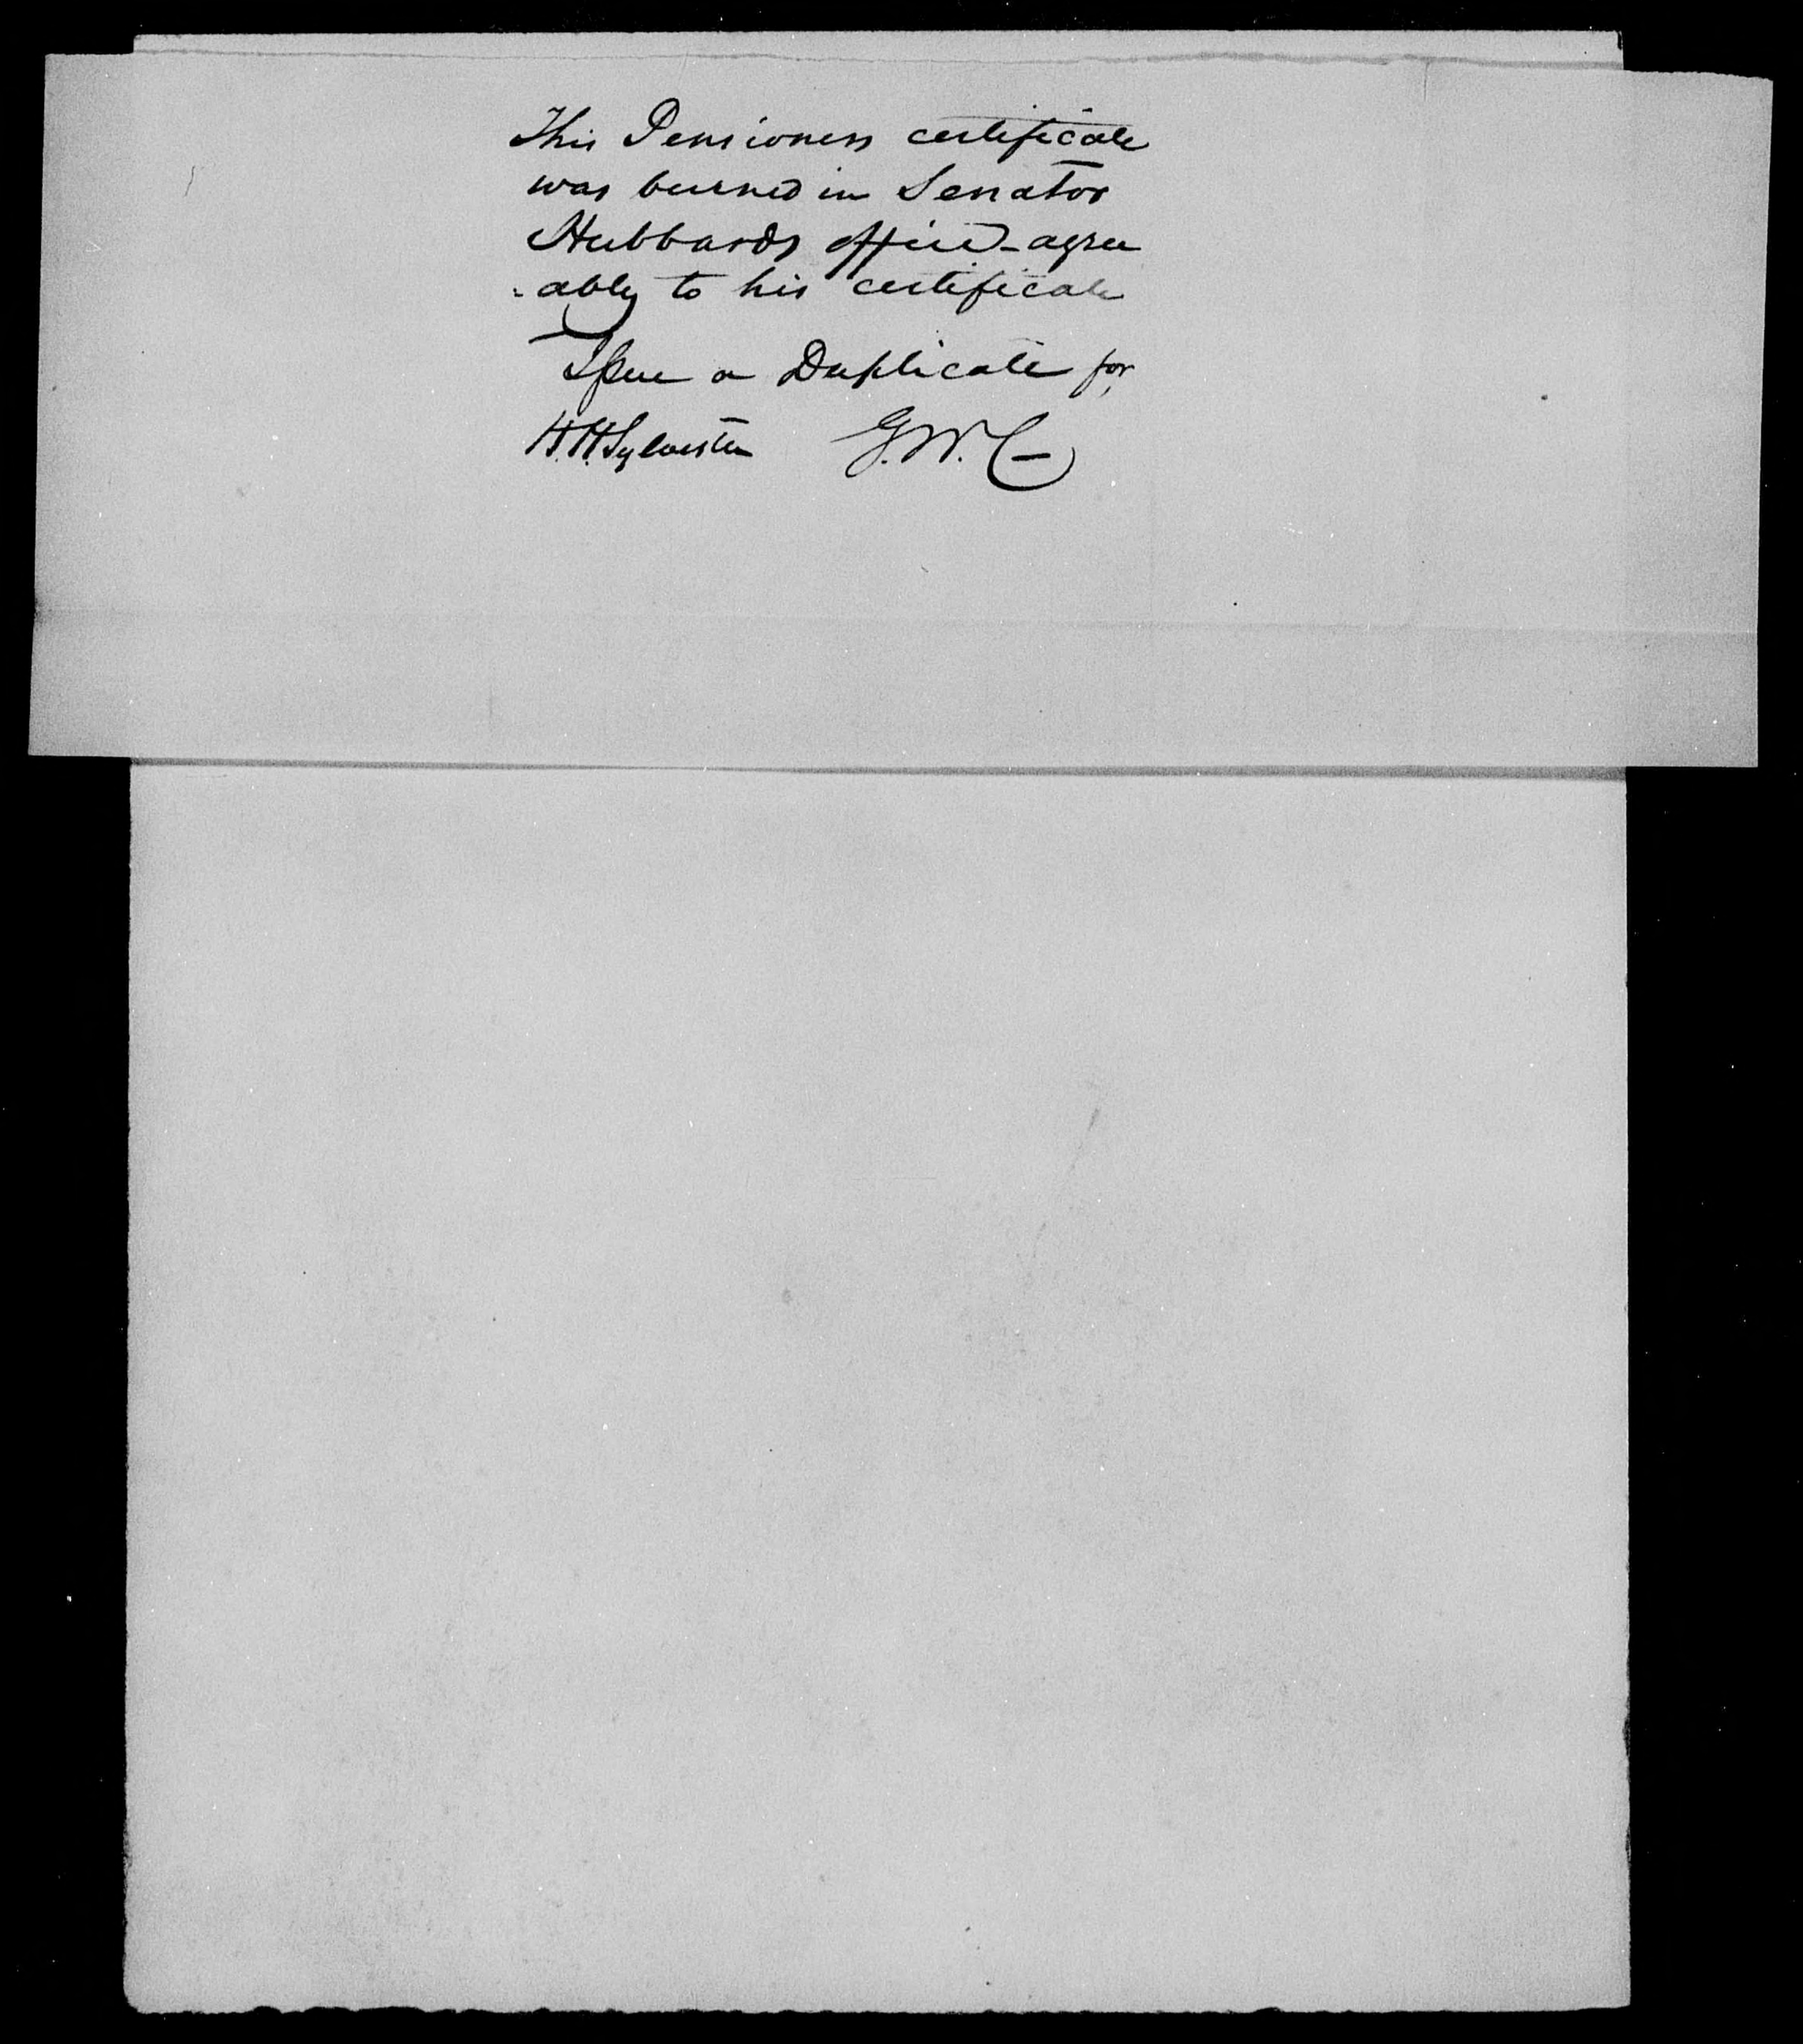This Pensioners certificate was burned in Senator
Hubbards office agreeably to his certificate.

[illegible] on Duplicate for H. H. Sylvester
G. M. C.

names: Hubbard, H H Sylvester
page: 7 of 19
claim: survivor's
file: S. 15140, Samuel George, N.H.